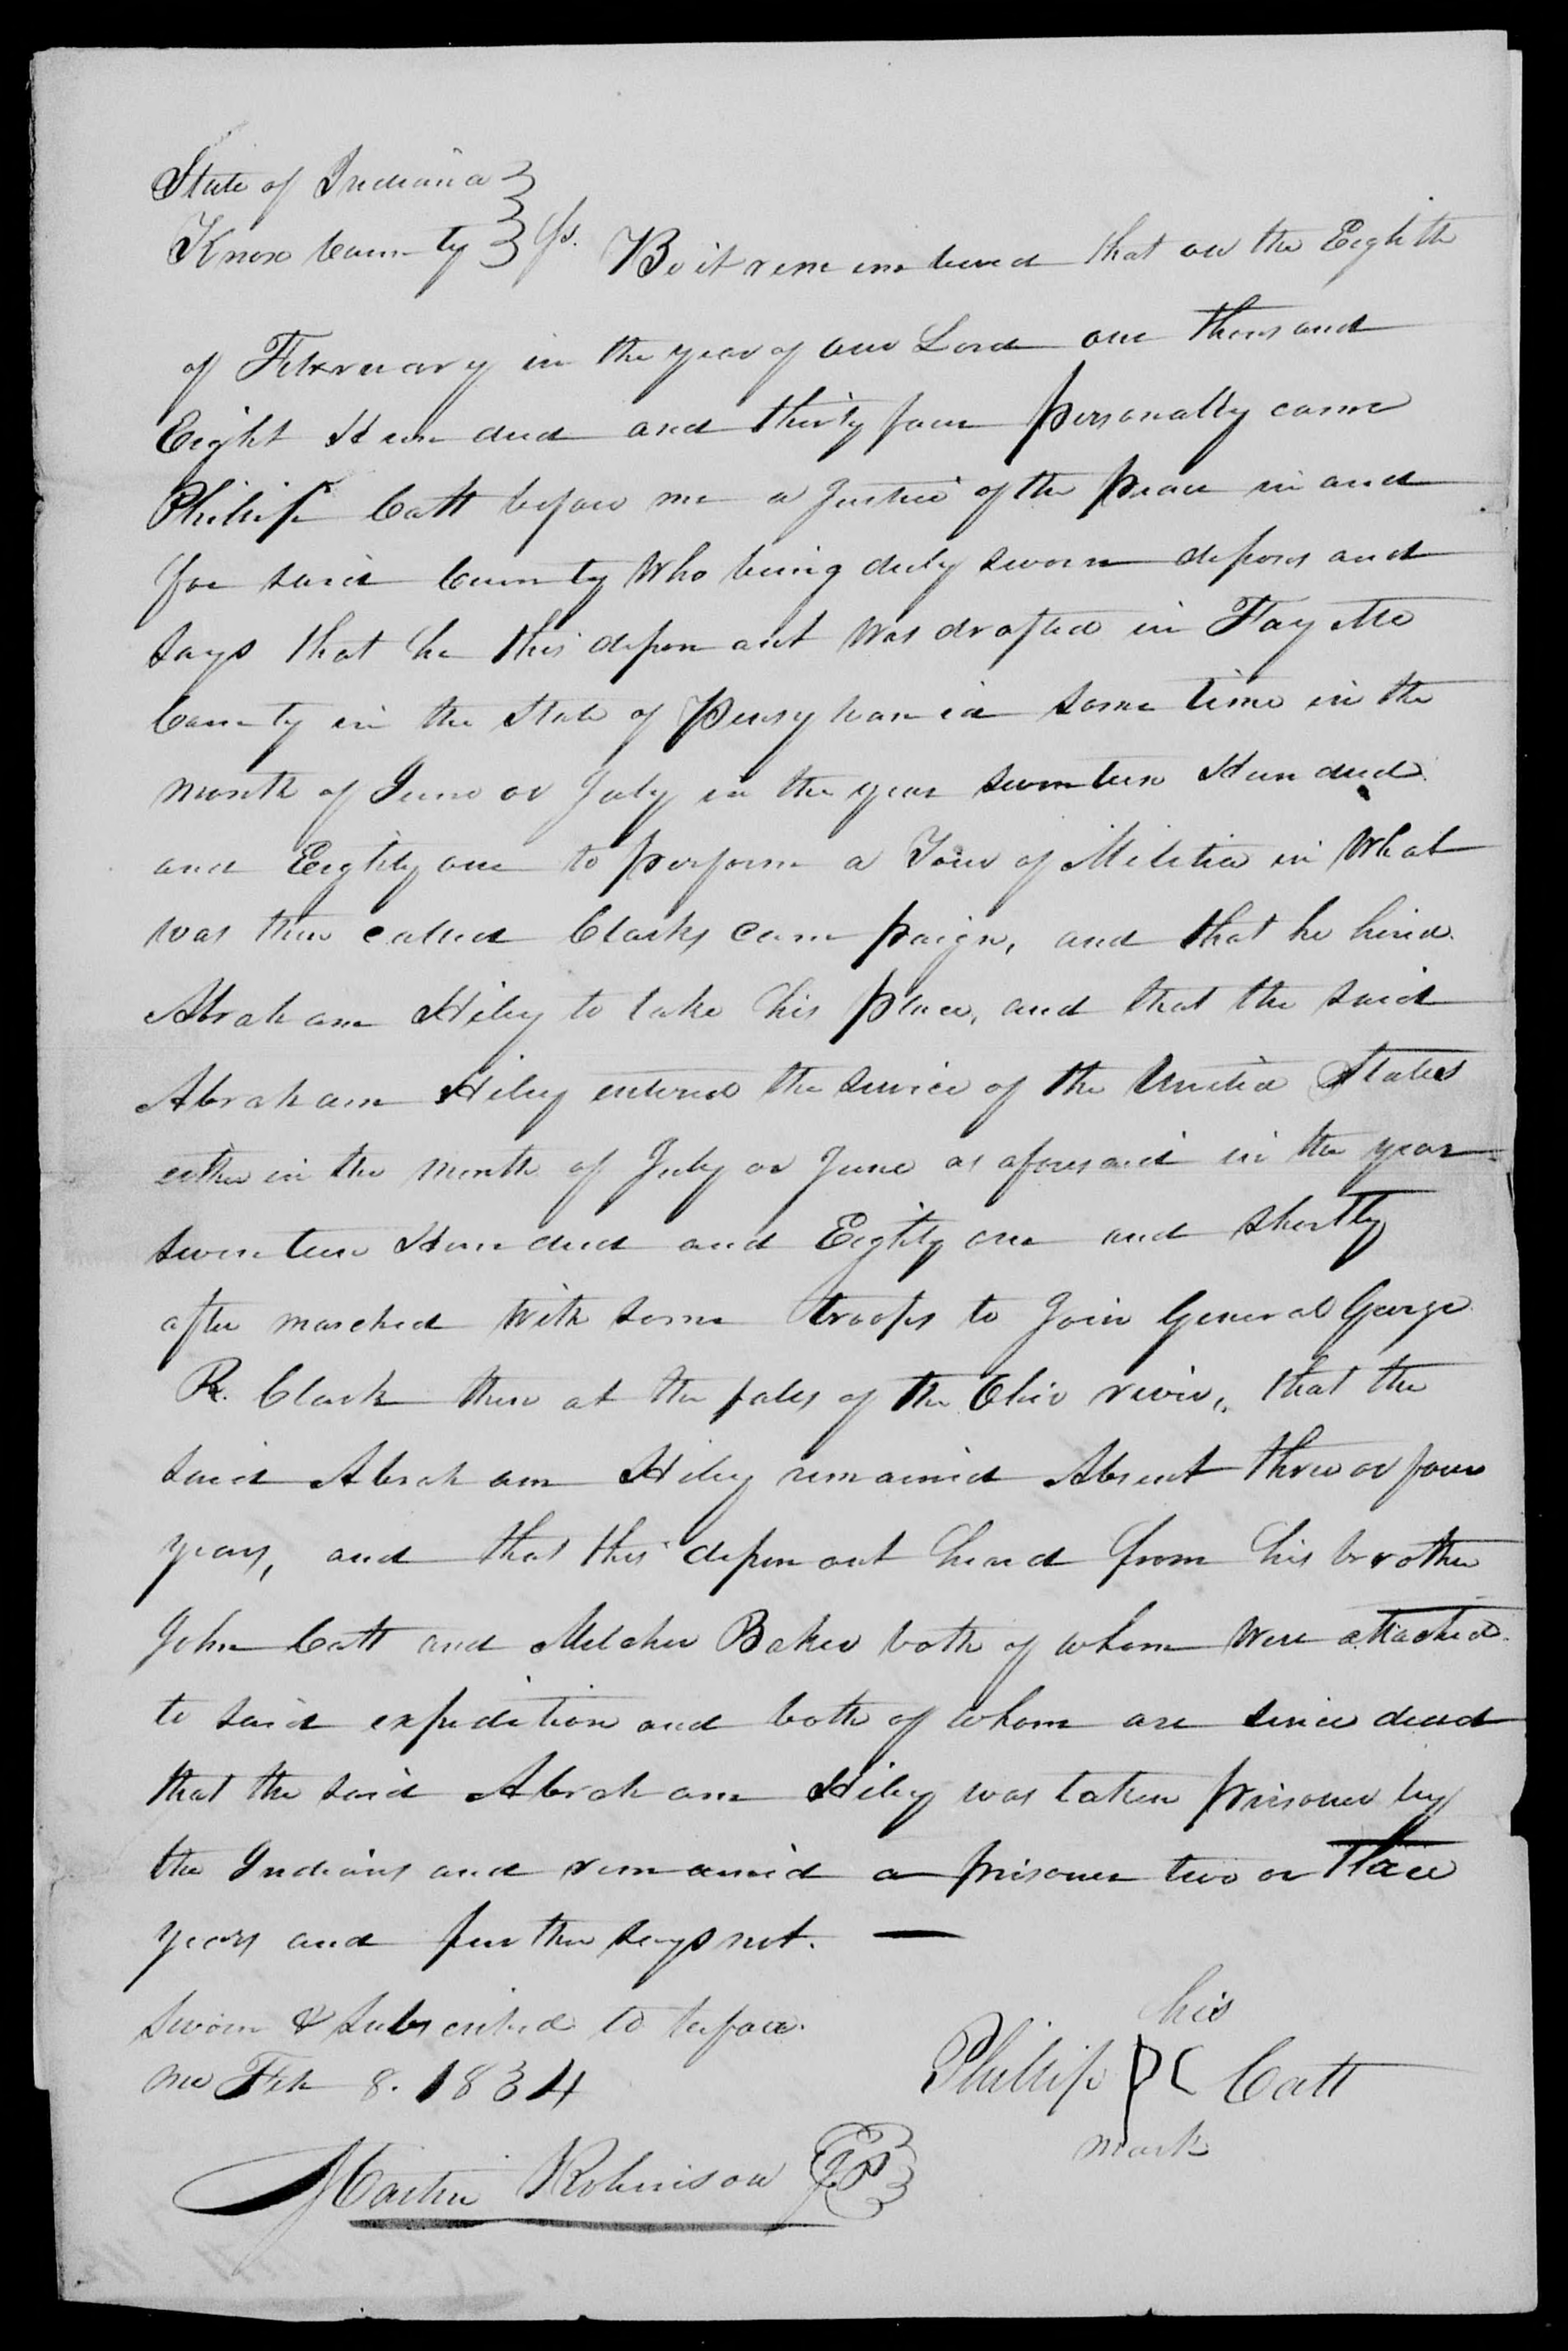State of Indiana
Knox County

Be it remembered that on the Eighth of February in the year of our Lord one thousand Eight hundred and thirty four personally came Phillip Catt before me a Justice of the Peace in and for said County Who being duly sworn deponant  or said County who being duly sworn deposes and says that he this deponant was drafted in Fayette County in the State of Pensylvania some time in the month of June or July in the year Seventeen Hundred and Eighty one to perform a Tour of Militia in what was called Clarks campaign, and that he hired Abraham Hiley to take his place, and that the said Abraham Hiley entered the service of the United States when in the month of July or June as aforesaid in the year seventeen hundred and eighty one and shortly after marched with some troops to join General R. Clark then at the [illegible] of the Ohio River that the said Abraham Hiley remained Absent three or four years, and that this deponant heard from his brother John Catt and Melcher Baker both of whom were attached to said expedition and both of whom are since decided that the said Abraham Hibley was taken prisoner by the Indians and remained a prisoner two or three years and further [illegible].

Sworn & Subscribed to the fact.
on Feb 8. 1834

his
Phillip PC Catt
mark
Martin Robinson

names: Abraham Hiley, Phillip Catt, Phillip Catt, John Catt, Martin Robinson, George R Clark, Abraham Hiley, Melcher Baker, Abraham Hiley, Abraham Hiley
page: 16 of 18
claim: survivor's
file: S. 31744, Abraham Hiley, Penn.